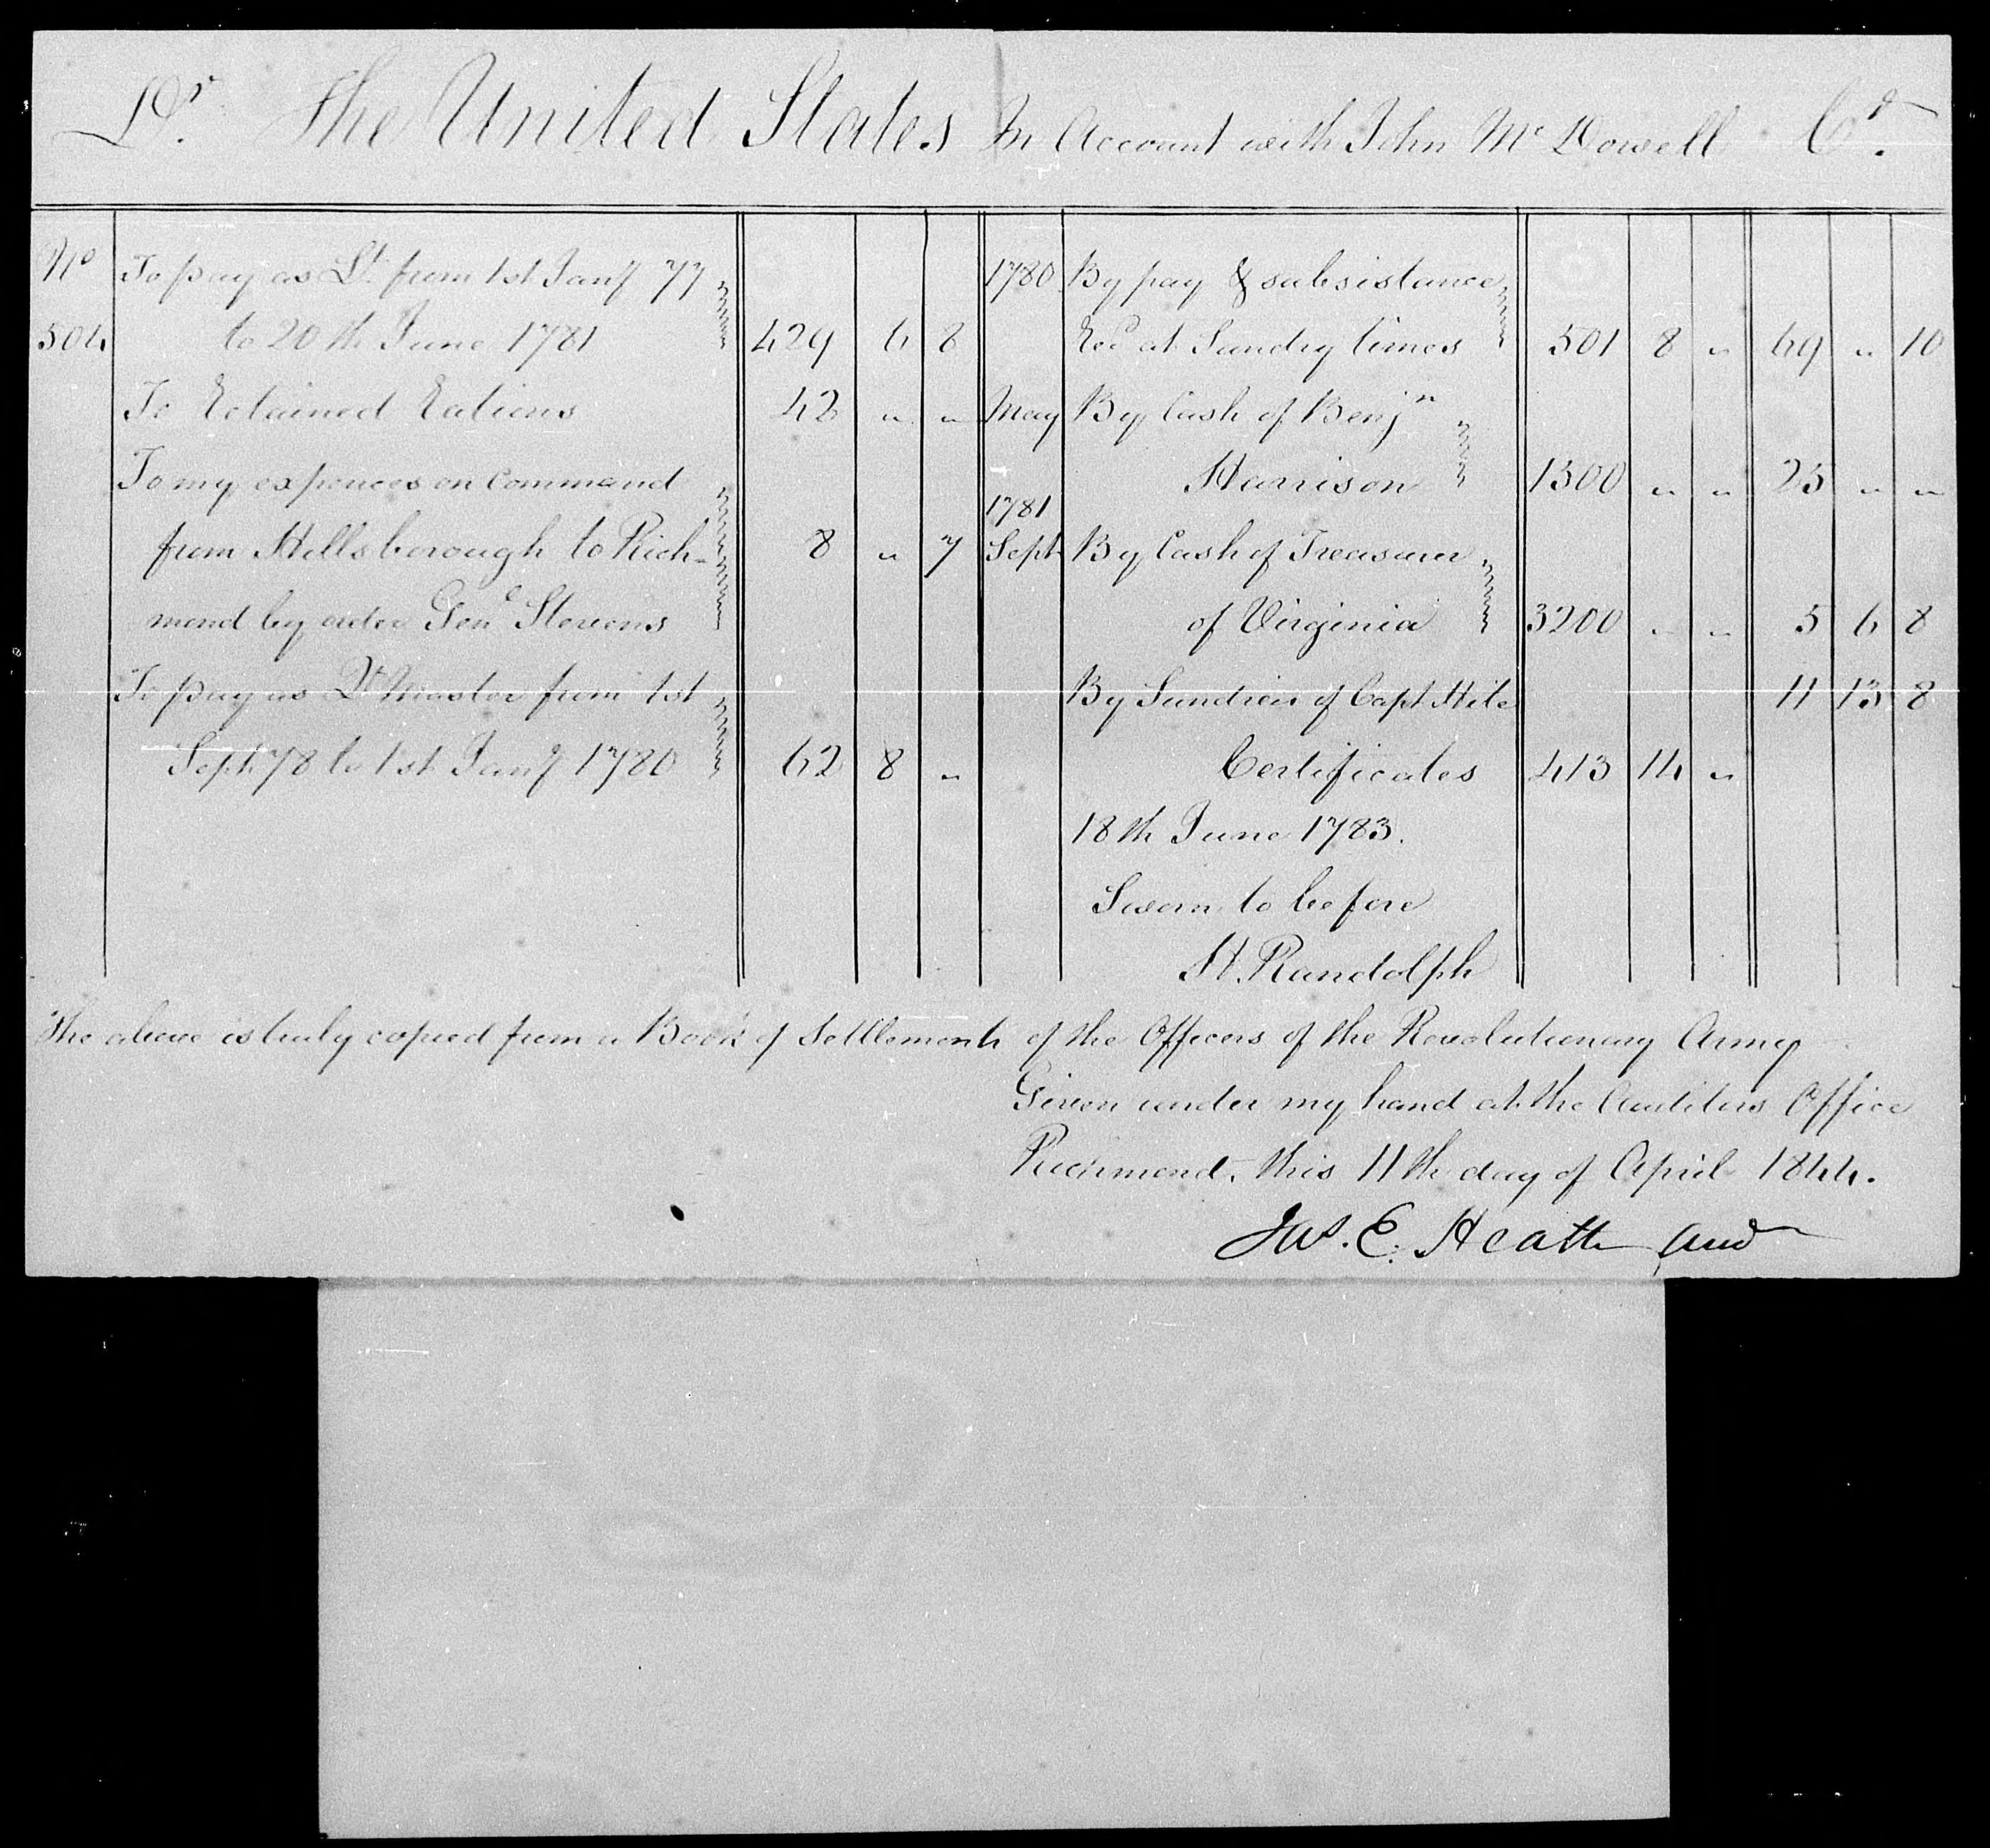Dr. The United States In Account with John McDowell Cr.
No 504
To pay as Lt. from 1st Jany 77 to 20th June 1781 - 429.6.8
To retained rations - 42.~.~
To my expenses on Command from Hillsborough to Richmond by order Genl Stevens - 8.~.7
To pay as QtMaster from 1st SEpt 1781 to 1st Jany 1780 - 62.8.~
1780 By pay & subsistance recd at Sundry times - 501.8.~ | 69.~.10
May By Cash of Benjn Harrison - 1500.~.~ | 25.~.~
1781 Sept By Cash of Treasurer of Virginia - 3200.~.~ | 5.6.8
By Sundries of Capt Hile - | 11.13.8
Certificates 18th June 1783 Sworn to before Lt. Randolph - 413.14.~

The above is truly copied from a Book of Settlements of the Officers of the Revolutionary Army
Given under my hand at the Auditors Office
Richmond, this 11th day of April 1844.
Jas. E. Heath Aud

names: Benjn Harrison; Jas E Heath; [BLANK] Stevens; H Randolph; John Mc Dowell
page: 25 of 47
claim: survivor's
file: S. 30578, for John Mc Dowell, Virginia